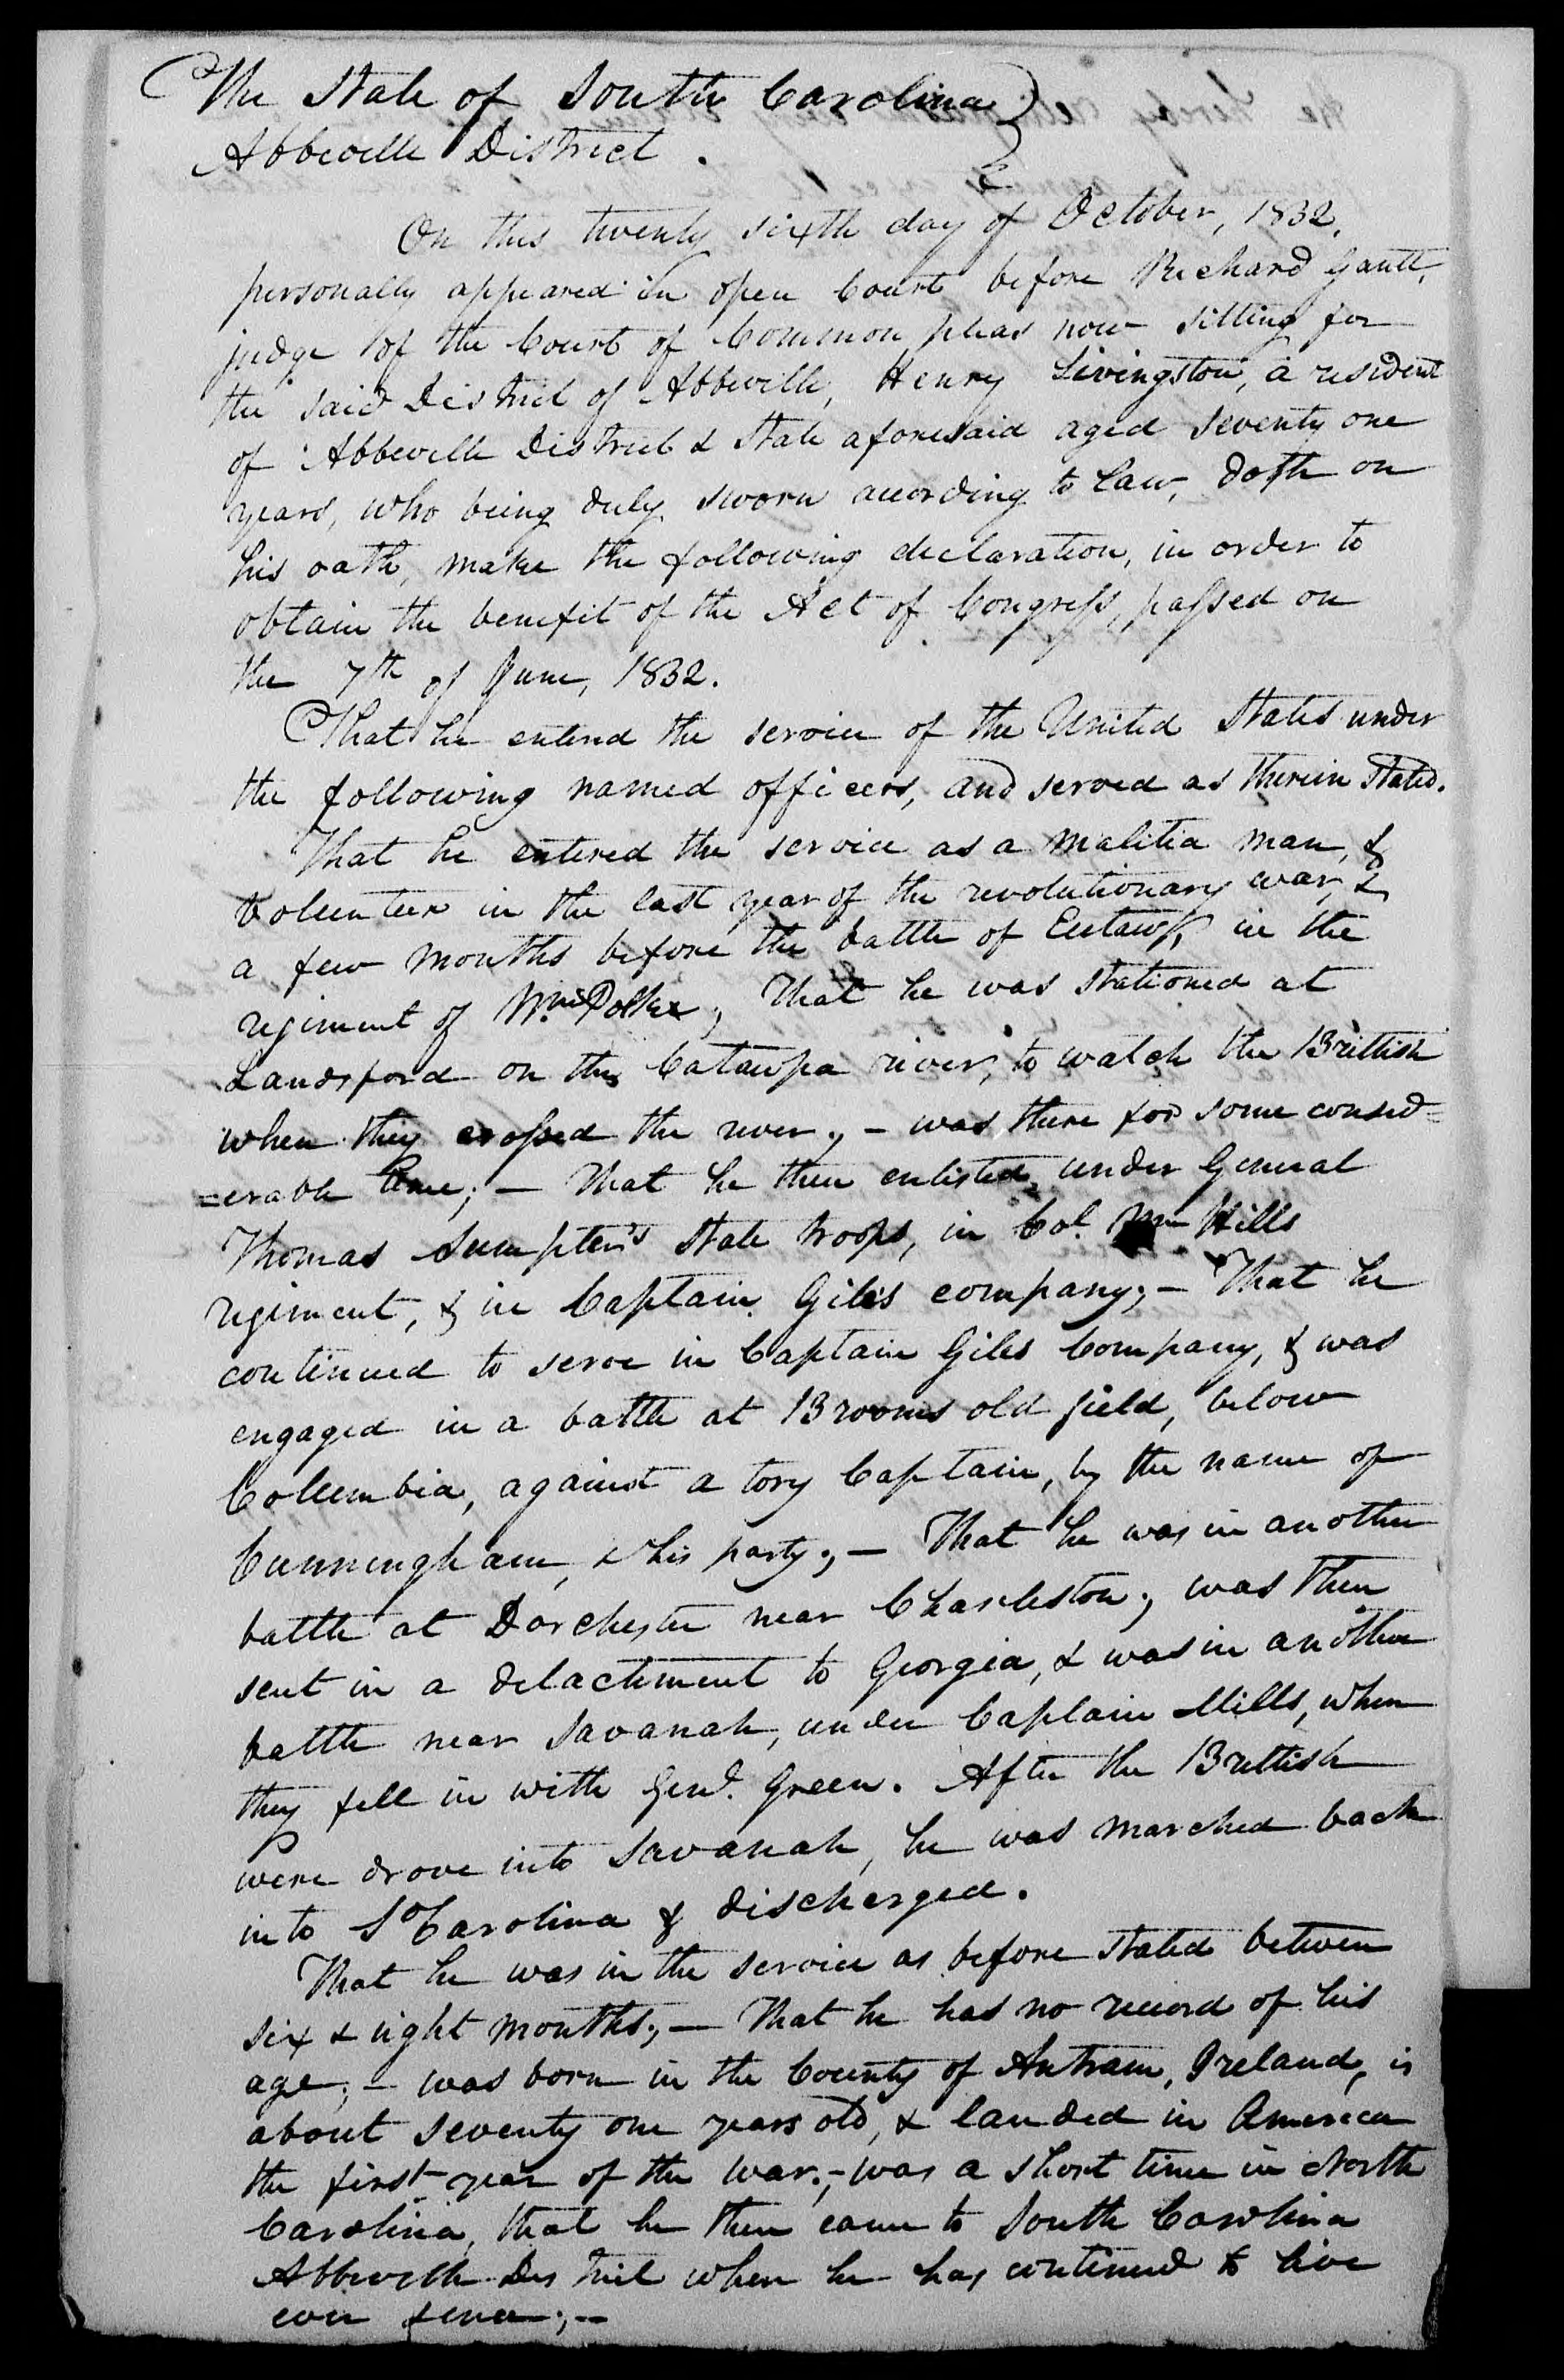The State of South Carolina
Abbeville District }

On this twenty sixth day of October, 1832
personally appeared in open Court before Richard Gault, Judge of the Court of Common pleas now sitting for the said District of Abbeville, Henry Livingston, a resident of Abbeville District & State aforesaid aged Seventy one years, who being duly sworn according to law doth on his oath, make the following declaration, in order to obtain the benefit of the Act of Congress passed on the 7th of June, 1832.

That he entered the service of the United States under the following named officers, and served as therein stated. That he entered the service as a malitia [militia] man & volunteer in the last year of the revolutionary war & a few months before the battle of Eutaw, in the regiment of Wm. Polk, that he was stationed at Landford [Blandford] on the Catawba river, to watch the Brittish when they crossed the river - was there for some considerable time - That he there enlisted under General Thomas Sumpter's [Sumter] State troops, in Col. [indistinct] Wills regiment, & in Captain [James] Gile's company; that he continued to serve in Captain Giles Company, & was engaged in a battle at Brooms old field, below Columbia, against a tory Captain, by the name of [William] Cunningham his party; - That he was in another battle at Dorchester near Charleston [Battle of Dorchester, SC 1781], was then sent in a detachment to Georgia & was in another battle near Savanah, under Captain Mills, when they fell in with Genl. Green [Nathanael Greene]. After the Brittish were drove into Savanah, he was marched back into S Carolina & discharged.

That he was in the service as before stated between six & eight months; That he has no record of his age; was born in the County of Antram, Ireland, is about seventy one years old, & landed in America the first year of the war, was a short time in North Carolina, that he then came to South Carolina Abbeville District when he has continued to live ever since;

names: [BLANK] Green; Henry Livingston; Thomas Sumpter; [BLANK] Mills; Richard Gantt; Wm Polke; [BLANK] Cunningham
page: 8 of 63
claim: widow's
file: W. 8,049, for Henry Livingston, North Carolina